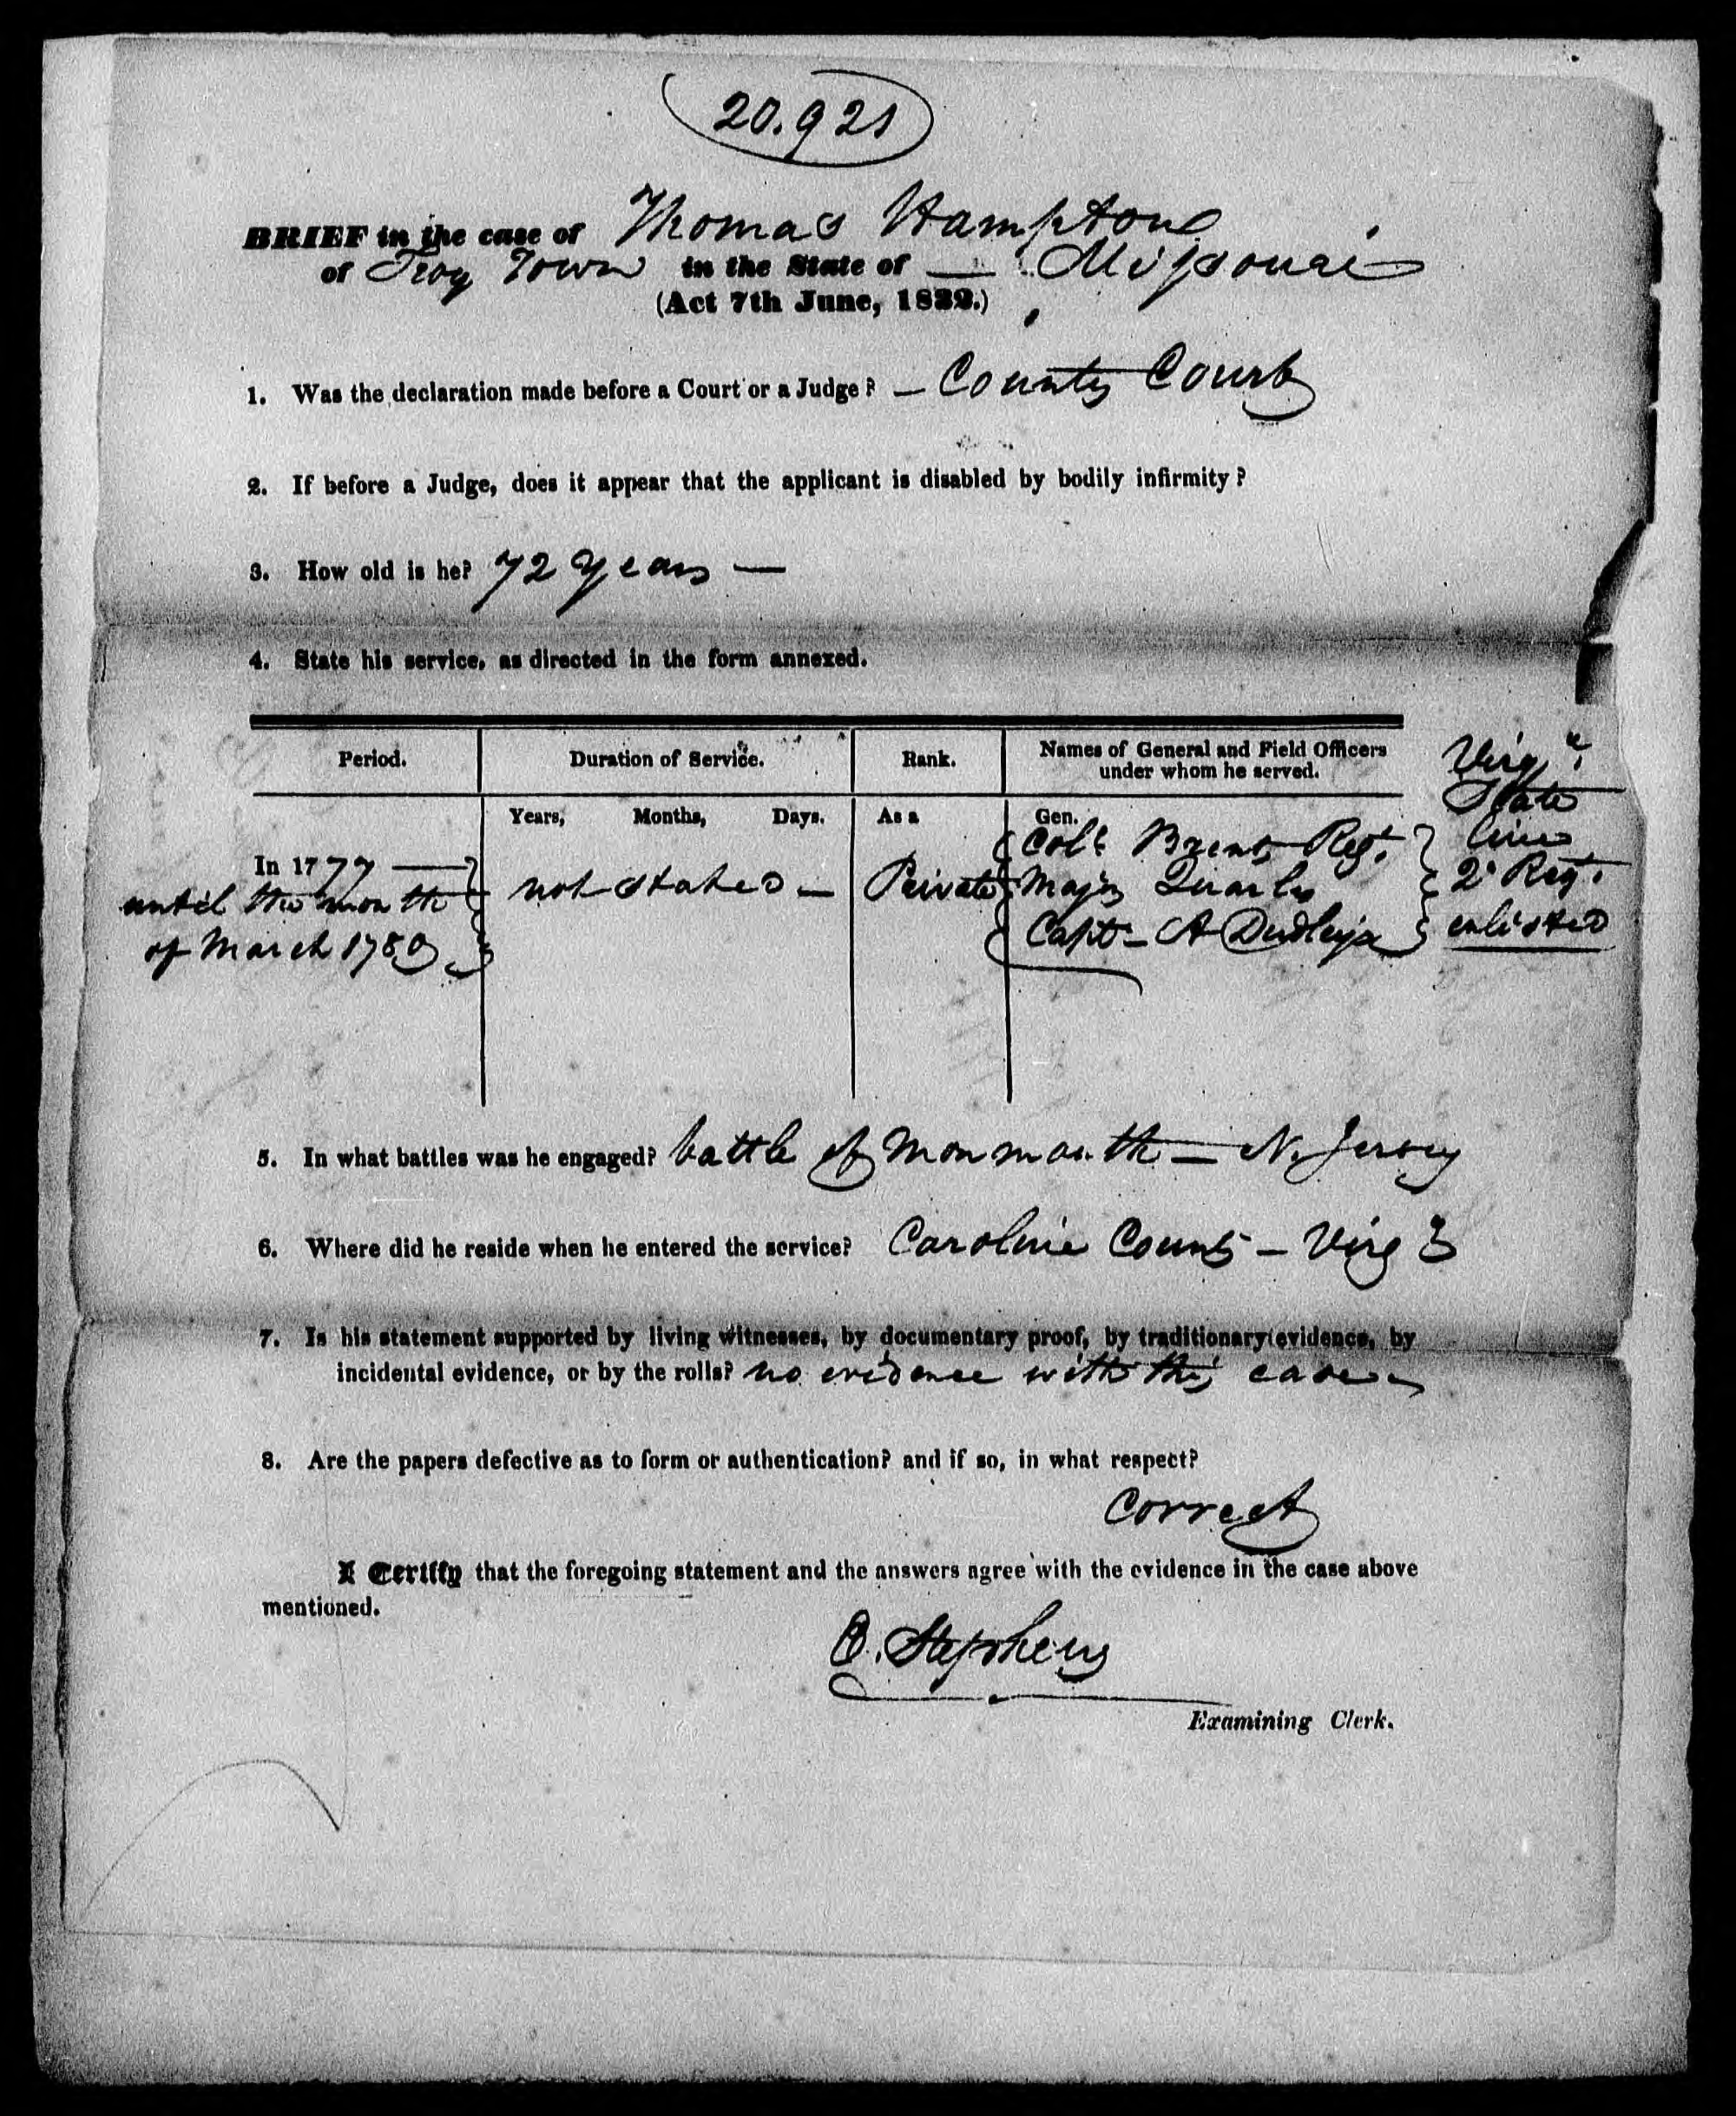20.921
BRIEF in the case of Thomas Hampton
of Troy Town in the State of Missouri
(Act 7th June, 1832.)
1. Was the declaration made before a Court or a Judge? - County Court
2. If before a Judge, does it appear that the applicant is disabled by bodily infirmity?
3. How old is he? 72 years-
4. State his service, as directed in the form annexed.
Period. In 1777 - until the month of March 1780
Duration of Service. Years, Months, Days. not stated.
Rank. As a Private
Names of General and Field Officers under whom he served.
Colo. Brent's Rgt. }
Major Quarles }
Capt. A Dudley's } Virga. State line 2" Regt. enlisted
5. In what battles was he engaged? battle of Monmouth - N. Jersey
6. Where did he reside when he entered the service? Caroline County - Virga.
7. Is his statement supported by living witnesses, by documentary proof, by traditionary evidence, by incidental evidence, or by the rolls? No evidence with this case-
8. Are the papers defective as to form or authentication? and if so, in what respect? Correct
I Certify that the foregoing statement and the answers agree with the evidence in the case above mentioned.
E. Stephens
Examining Clerk.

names: Thomas Hampton, Quarles, A Dudley, E Stephens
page: 6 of 26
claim: survivor's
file: S. 16842, Thomas Hampton, Va.